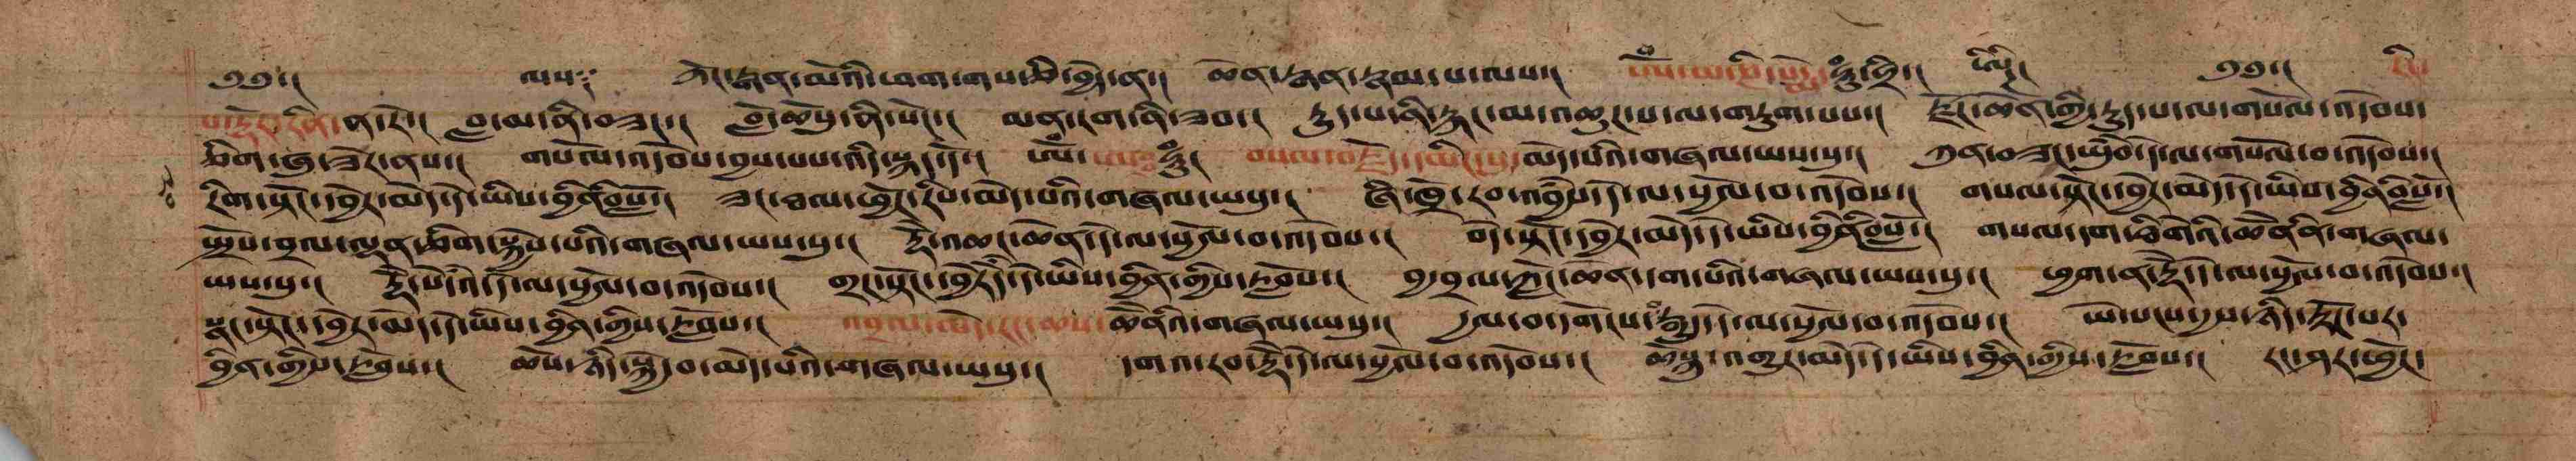༄༅་། ལས༑ ཀེང་རྒན་མོའི་ཕག་གས་ཅི་བྱེད་ན། ཆེན་རྒན་རྣམ་པ་ལས། ཨོཾ་མ་ཎི་པདྨེ་ཧཱུཾ་ཧྲི། ཨིཊི། ༄༅་། རིང་
པ་དྷོར་རིན་ན་རེ། བླ་མ་ནི་བཟང་། བློ་ཆོས་སུ་ནི་སེང་། མན་ངག་ནི་ཟབ། རྒྱུད་པ་ནི་རྐང་མ་འཆུགས་པ་ལ་གཏུག་པས། རྫོགས་ཆེན་གྱི་རྒྱུད་པ་ལ་གསོལ་འདེབས་
ཅིག་ཞུ་ཟེར་ནས། གསོལ་འདེབས་བྱས་པས་འདི་སྐད་དོ། ཨོཾ་ཨཿཧཱུཾ། བསལ་བརྗོད་དམིགས་སུ་མེད་པའི་གཞལ་ཡས་སུ། ཀུན་བཟང་ཡབ་ཡུམ་དེ་ལ་གསོལ་བ་འདེབས། 
རིག་སྟོང་དབྱེར་མེད་དེ་ཡིས་བྱིན་གྱིས་རློབས། ཟང་ཐལ་ཕྱོགས་རིས་མེད་པའི་གཞལ་ཡས་སུ། ཞི་ཁྲོ་རབ་འབྱམས་དེ་ལ་གསོལ་བ་འདེབས། གསལ་སྟོང་དབྱེར་མེད་དེ་ཡིས་བྱིན་གྱིས་བརློབས། 
སྤྲོས་བྲལ་ལྷན་ཅིག་སྐྱེས་པའི་གཞལ་ཡས་སུ། རྡོ་རྗེ་འཆང་ཆེན་དེ་ལ་གསོལ་བ་འདེབས། བདེ་སྟོང་དབྱེར་མེད་དེ་ཡིས་བྱིན་གྱིས་བརློབས་སོ། གསལ་དག་ཐིག་ལེའི་ཆེན་པོ་ནི་གཞལ་
ཡས་སུ། རྡོ་རྗེ་སེམས་དཔའ་དེ་ལ་གསོལ་བ་འདེབས། གྲགས་སྟོང་དབྱེར་མེད་དེ་ཡིས་བྱིན་གྱིས་རློབས། བྱ་བྲལ་ཀློང་ཆེན་དག་པའི་གཞལ་ཡས་སུ། ཕྱག་ན་རྡོ་རྗེ་དེ་ལ་གསོལ་བ་འདེབས། 
སྣང་སྟོང་དབྱེར་མེད་དེ་ཡིས་བྱིན་གཡིས་རློབས། འབྲལ་མེད་རང་ཆས་ཆེན་པོའི་གཞལ་ཡས་སུ། རྒྱལ་བ་དགོངས་བརྒྱུད་དེ་ལ་གསོལ་བ་འདེབས། ཡེ་སངས་རྒྱས་ཉིད་རྟོགས་པར་
བྱིན་གྱིས་རློབས། ཆོས་ཉིད་སྐྱེ་བ་མེད་པའི་གཞལ་ཡས་སུ། དགའ་རབ་རྡོ་རྗེ་དེ་ལ་གསོལ་བ་འདེབས། ཆོས་སྐུ་འགྱུར་མེད་དེ་ཡིས་བྱིན་གྱིས་རློབས། རང་ཤར་ཕྱོགས་